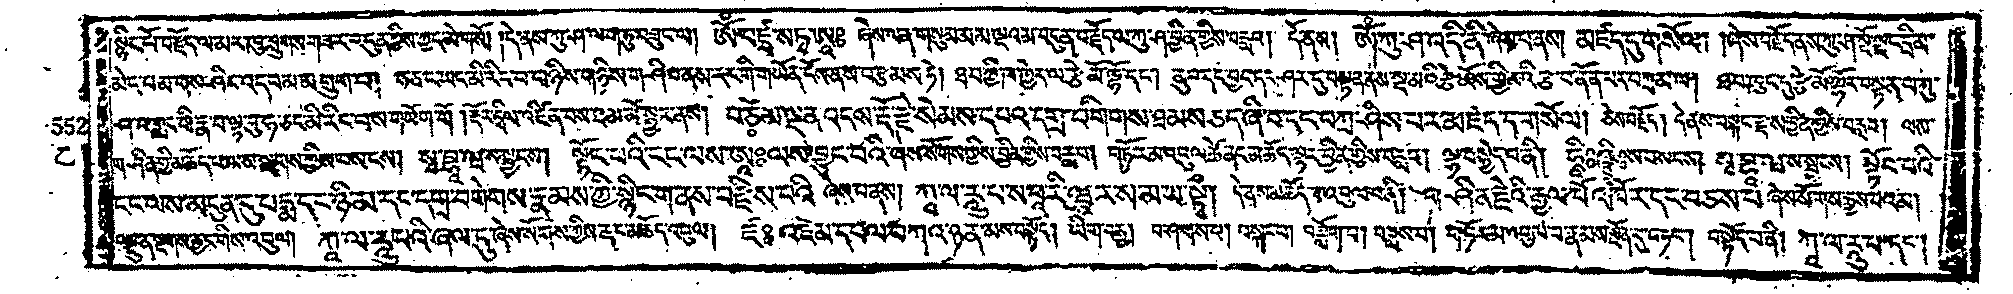སྙིང་པོ་བརྗོད་ལ་མར་ཁུ་བླུགས་གཟར་བདུན་གྱིས་ཀྱང་མེ་གསོ། །དེ་ནས་ཀུ་ཤ་ལག་ཏུ་བཟུང་ལ། ཨོཾ་བཛྭ་སཏྭ་ཨཱཿ ཞེས་ལན་གསུམ་མམ་ལྔའམ་བདུན་བརྗོད་ལ་ཀུ་ཤ་བྱིན་གྱིས་བརླབ། དེ་ནས།  ཨོཾ་ཀུ་ཤ་འདི་ནི་ཞེས་པ་ནས།  མཛད་དུ་གསོལ། །ཞེས་བརྗོད་ནས་ཀུ་ཤ་སྔོ་ལྗང་དྲི་མ་
མེད་པ་མ་གས་ཤིང་འདབ་མ་མ་གྲུབ་པ། ཧ་ཅང་ཡང་མི་རིང་བ་གཉིས་གཉིས་ཤིབ་ནས་རང་གི་གཡོན་ངོས་ནས་བརྩམས་ཏེ། ཐབ་ཀྱི་ཁ་ཁྱེར་ལ་རྩེ་མོ་ལྷོ་དང་། ནུབ་དང་བྱང་དང་ཤར་དུ་བསྟན་ནས་སྔ་མའི་རྩེ་མོས་ཕྱི་མའི་རྩ་བ་ནོན་པར་བཀྲམ་ལ། ཐབ་ཁུང་དུ་རྩེ་མོ་ལྷོར་བསྟན་ལ་ཀུ་
ཤ་བ་གླང་གི་རྣ་བ་ལྟ་བུ་ཧ་ཅང་མི་རིང་བས་གཡོག་གོ །རྡོར་དྲིལ་འཛིན་པས་ཐམ་མོ་སྦྱར་ནས། བཅོམ་ལྡན་འདས་རྡོ་རྗེ་སེམས་དཔའ་དགྲ་བགེགས་ཐམས་ཅད་ཞི་བ་དང་བཀྲ་ཤིས་པར་མཛད་དེ་གསོལ། ཅེས་བརྗོད། དེ་ནས་བསྐང་རྫས་བྱིན་གྱིས་བརླབ། ལས་
གཤིན་གྱི་མཆོད་པ་ལས་སྔགས་ཀྱིས་བསངས། སྭ་བྷཱ་ཝས་སྦྱངས། སྟོང་པའི་ངང་ལས་ཨཱཿ ལས་བྱུང་བའི་ཞེས་སོགས་ཀྱིས་བྱིན་གྱིས་བརླབ། གཏོར་མ་འབུལ་ཚེ་ནང་མཆོད་ལྟར་བྱིན་གྱིས་བརླབ། ལྷ་བསྐྱེད་པ་ནི།  ཧྲཱིཿཥྚཱིཿ ས་བསངས།  སྭབྷཱ་ཝས་སྦྱངས།  སྟོང་པའི་
ངང་ལས་མདུན་དུ་པདམ་དང་ཉི་མ་དང་དགྲ་བགེགས་རྣམས་ཀྱི་སྙིང་གནས་བརྫིས་པའི་ཞེས་པ་ནས།  ཀཱ་ལ་རཱུ་པ་ས་པཱ་རི་ཝཱ་ར་ས་མ་ཡ་སྟྭཾ། དེ་ནས་མཆོད་པ་འབུལ་བ་ནི།  གཤིན་རྗེའི་རྒྱལ་པོ་འཁོར་དང་བཅས་པ་ཞེས་སོགས་བརྒྱས་པའམ། བསྡུ་ན་
སྔགས་རྒྱང་གིས་འབུལ། ཀཱ་ལ་རཱུ་པའི་ཞལ་དུ་ཞེས་སོགས་ཀྱིས་ནང་མཆོད་འབུལ།  ཛཿ འཇམ་དཔལ་བཀའ་ཉན་མས་བསྟོང་། ཡིག་བརྒྱ། བཤགས་པ། བསྐང་བ། བཟློག་པ། བཟླས་པ། གཏོར་མ་འབུལ་བ་རྣམས་སྔོན་དུ་བཏང་། བསྟོད་པ་ནི།  ཀཱ་ལ་རླུ་པ་དང་།